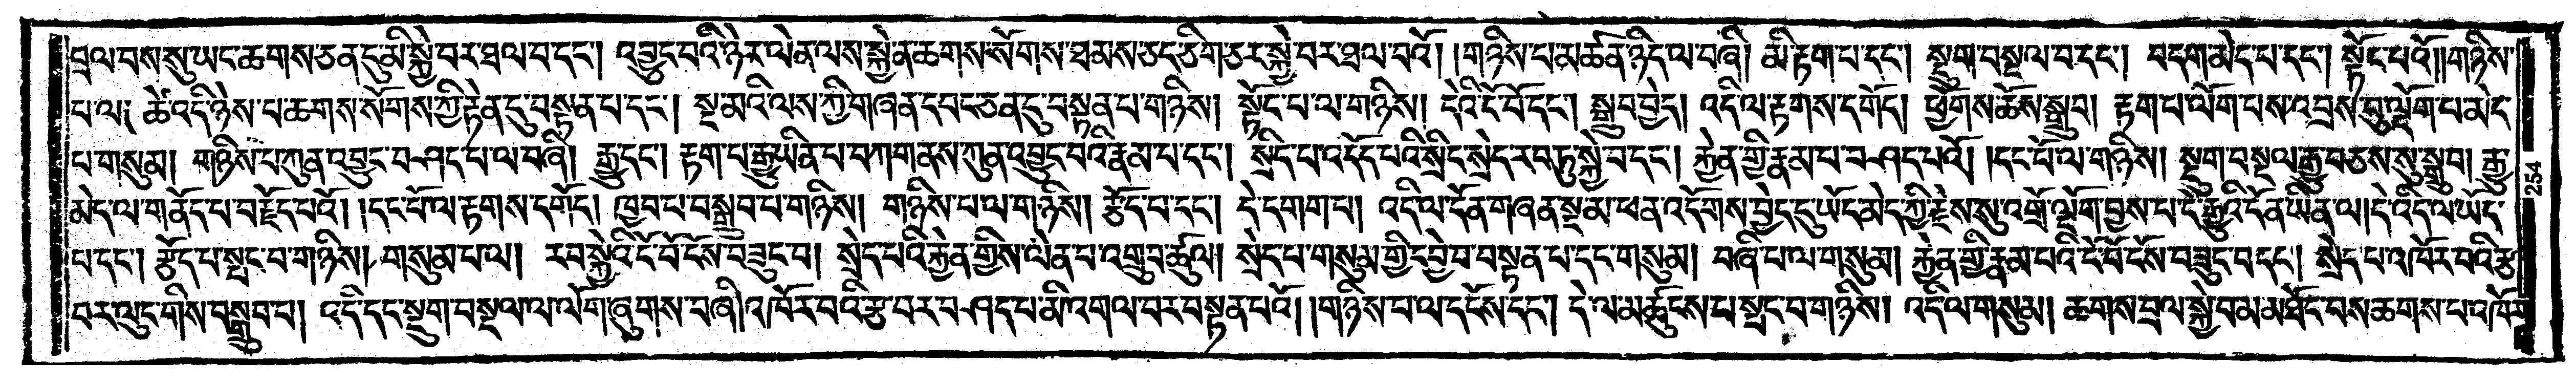བྲལ་བས་སུ་ཡང་ཆགས་ཅན་དུ་མི་སྐྱེ་བར་ཐལ་བ་དང་། འབྱུང་བའི་ཉེར་ལེན་ལས་སྐྱེ་ན་ཆགས་སོགས་ཐམས་ཅད་ཅིག་ཅར་སྐྱེ་བར་ཐལ་བའོ། །གཉིས་པ་མཚན་ཉིད་ལ་བཞི། མི་རྟག་པ་དང་། སྡུག་བསྔལ་བ་དང་། བདག་མེད་པ་དང་། སྟོང་པའོ། །གཉིས་
པ་ལ། ཚེ་འདི་ཉེས་པ་ཆགས་སོགས་ཀྱི་རྟེན་དུ་བསྟན་པ་དང་། སྔ་མའི་ལས་ཀྱི་གཞན་དབང་ཅན་དུ་བསྟན་པ་གཉིས། སྟོང་པ་ལ་གཉིས། དེའི་ངོ་བོ་དང་། སྒྲུབ་བྱེད། འདི་ལ་རྟགས་དགོད། ཕྱོགས་ཆོས་སྒྲུབ། རྟག་པ་ལོག་པས་འབྲས་བུ་ལྡོག་པ་མེད་
པ་གསུམ། གཉིས་པ་ཀུན་འབྱུང་བཤད་པ་ལ་བཞི། རྒྱུ་དང་། རྟག་པ་རྒྱུ་ཡིན་པ་བཀག་ནས་ཀུན་འབྱུང་བའི་རྣམ་པ་དང་། སྲིད་པ་འདོད་པའི་སྲིང་སྲེད་རབ་ཏུ་སྐྱེ་བ་དང་། རྐྱེན་གྱི་རྣམ་པ་བཤད་པའོ། །དང་པོ་ལ་གཉིས། སྡུག་བསྔལ་རྒྱུ་བཅས་སུ་སྒྲུབ། རྒྱུ་
མེད་ལ་གནོད་པ་བརྗོད་པའོ། །དང་པོ་ལ་རྟགས་དགོད། ཁྱབ་པ་བསྒྲུབ་པ་གཉིས། གཉིས་པ་ལ་གཉིས། རྩོད་པ་དང་། དེ་དགག་པ། འདི་ལ་དོན་གཞན་སྔ་མ་ཕན་འདོགས་བྱེད་དུ་ཡོད་མེད་ཀྱི་རྗེས་སུ་འགྲོ་ལྡོག་བྱས་པ་དེ་རྒྱུའི་དོན་ཡིན་ལ། དེ་འདི་ལ་ཡོད་
པ་དང་། རྩོད་པ་སྤང་བ་གཉིས། གསུམ་པ་ལ། རབ་སྐྱེའི་ངོ་བོ་ངོས་བཟུང་བ། སྲེད་པའི་རྐྱེན་གྱིས་ལེན་པ་འགྲུབ་ཚུལ། སྲེད་པ་གསུམ་གྱི་དབྱེ་བ་བསྟན་པ་དང་གསུམ། བཞི་པ་ལ་གསུམ། རྐྱེན་གྱི་རྣམ་པའི་ངོ་བོ་ངོས་བཟུང་བ་དང་། སྲེད་པ་འཁོར་བའི་རྩ་
བར་ལུང་གིས་བསྒྲུབ་པ། འདི་དང་སྡུག་བསྔལ་ལ་ལོག་ཞུགས་བཞི། འཁོར་བའི་རྩ་བར་བཤད་པ་མི་འགལ་བར་བསྟན་པའོ། །གཉིས་པ་ལ་དངོས་དང་། དེ་ལ་མཚུངས་པ་སྤང་བ་གཉིས། འདི་ལ་གསུམ། ཆགས་བྲལ་སྐྱེ་བ་མ་མཐོང་བས་ཆགས་པ་འཁོར་